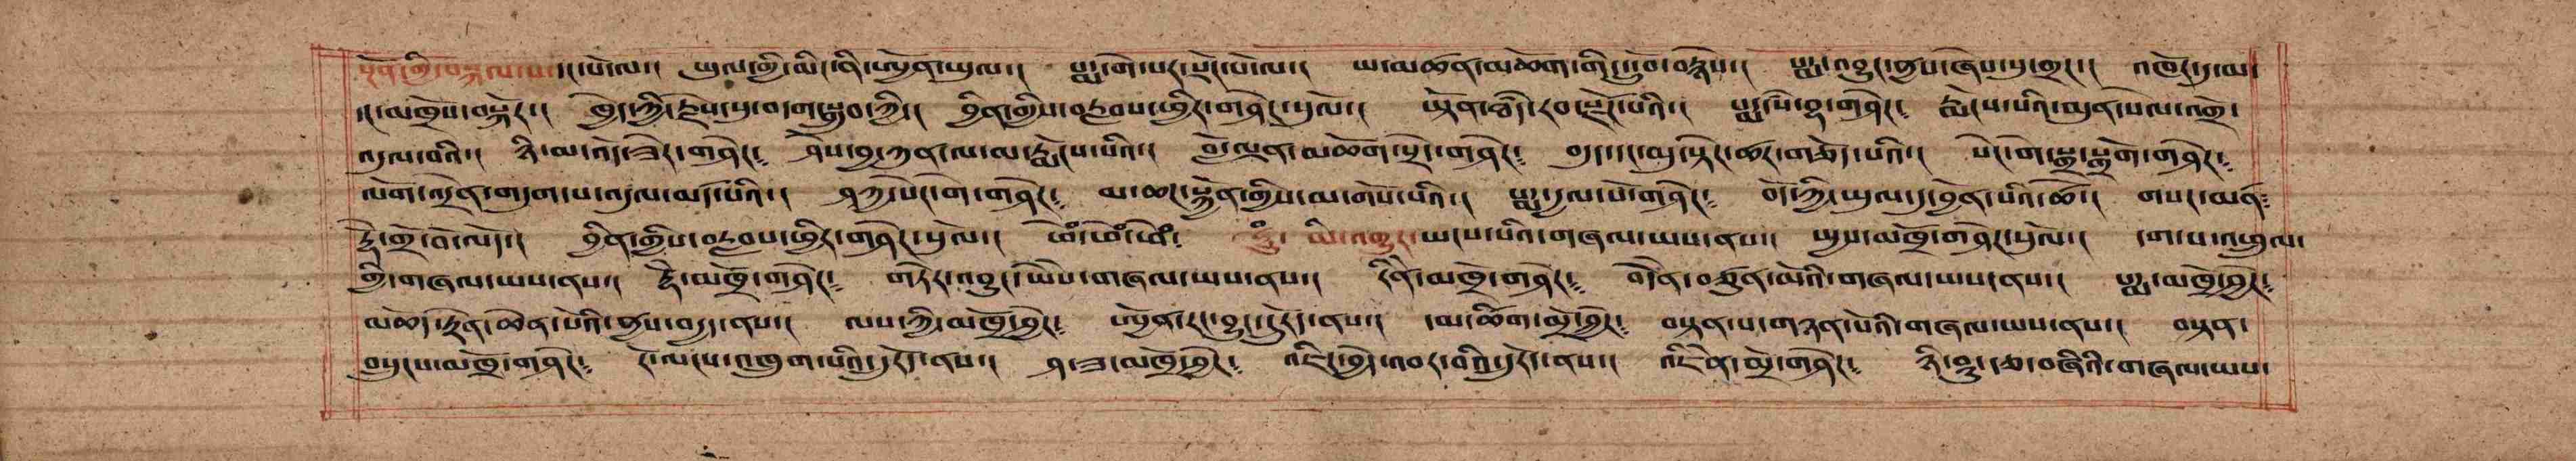སྔོན་གྱི་བསྐལ་པ་དང་པོ་ལ།། ཡུལ་གྱི་མིང་ནི་ཨོ་རྒྱན་ཡུལ།། པདྨ་གེ་སར་སྡོང་པོ་ལ།། ཡ་མཚན་མཆོག་གི་དངོས་གྲུབ་བརྙེས།། པདྨ་འབྱུང་གནས་ཞེས་སུ་གྲགས།། འཁོར་དུ་མ་
དང་མཁའ་འགྲོས་བསྐོར།། ཁྱེད་ཀྱི་རྗེས་སུ་བདག་སྒྲུབ་ཀྱི།། བྱིན་གྱིས་བརླབས་ཕྱིར་གཤེགས་སུ་གསོལ།། ཡོན་ཏན་ཐམས་ཅད་རབ་རྫོགས་པའི།། པདྨ་སཾ་བྷ་གཤེགས་སུ་གསོལ།། རྨོངས་པའི་མུན་སེལ་འགྲོ་
འདུལ་བའི།། ཉི་མ་འོད་ཟེར་གཤེགས་སུ་གསོལ།། ཤེས་བྱ་ཀུན་ལ་མ་རྨོངས་པའི།། བློ་ལྡན་མཅོག་སྲེད་གཤེགས་སུ་གསོལ།། བདུད་དང་མུ་སྟེགས་ཚར་གཅོད་པའི།། སེང་གེ་སྒྲ་སྒྲོག་གཤེགས་སུ་གསོལ།། 
ལོག་འདྲེན་གདུག་པ་འདུལ་མཛད་པའི།། རྡོ་
རྗེ་གྲོ་ལོད་གཤེགས་སུ་གསོལ།། བྱིན་གྱིས་བརླབ་ཕྱིར་གཤེགས་སུ་གསོལ།། ཕེཾ་ཕེཾ་ཕེཾ།། ཧཱུཾ། མི་འགྱུར་ཡངས་པའི་གཞལ་ཡས་ནས།། སངས་རྒྱས་མཁའ་འགྲོ་གཤེགས་སུ་གསོལ།། དག་པ་འཕྲུལ་
གྱི་གཞལ་ཡས་ནས།། རྡོ་རྗེ་མཁའ་འགྲོ་གཤེགས་སུ་གསོལ།། གཏེར་འབྱུང་ཡེ་ཤེས་གཞལ་ཡས་ནས།། རིན་ཆེན་མཁའ་འགྲོ་གཤེགས་སུ་གསོལ།། བདེ་ཆེན་བཙུན་མོའི་གཞལ་ཡས་ནས།། པདྨ་མཁའ་འགྲོ་གཤེགས་སུ་གསོལ།། 
མཆོད་རྟེན་ཆེན་པོའི་གནས་བརྒྱད་ནས།། ལས་ཀྱི་མཁའ་འགྲོ་གཤེགས་སུ་གསོལ།། ཨོ་རྒྱན་རང་བྱུང་དུར་ཁྲོད་ནས།། དམ་ཚིག་མཁའ་འགྲོ་གཤེགས་སུ་གསོལ།། བསྟན་པ་གཉེན་པོའི་གཞལ་ཡས་ནས།། བསྟན་
བསྲུངས་མཁའ་འགྲོ་གཤེགས་སུ་གསོལ།། རོ་ལངས་འཁྲུག་པའི་དུར་ཁྲོད་ནས།། ཤ་ཟ་མཁའ་འགྲོ་གཤེགས་སུ་གསོལ།། འཇིགས་བྱེད་འབར་བའི་དུར་ཁྲོད་ནས།། འཇིག་རྟེན་མཁའ་འགྲོ་གཤེགས་སུ་གསོལ།། ཉི་ཤུ་རྩ་བཞིའི་གཞལ་ཡས་